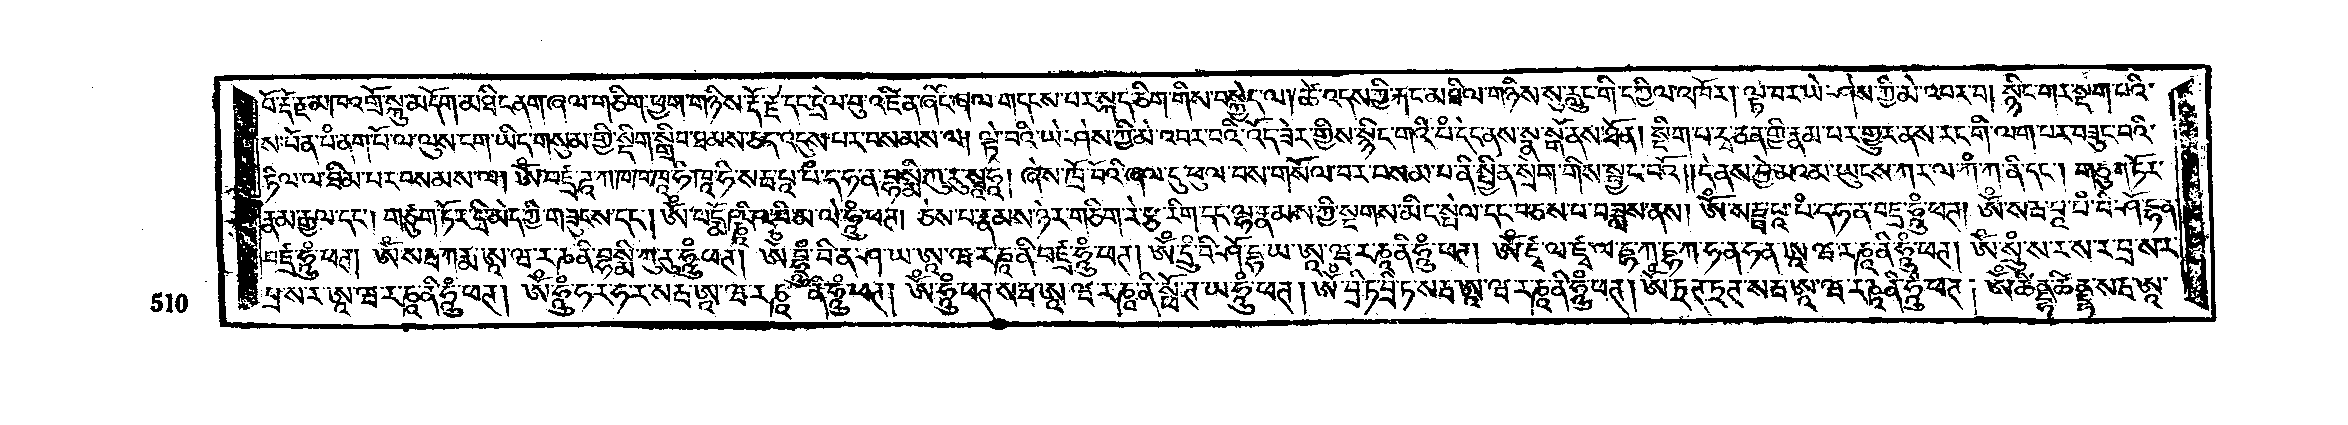བོ་རྡོ་རྗེ་མཁའ་འགྲོ་སྐུ་མདོག་མཐིང་ནག་ཞལ་གཅིག་ཕྱག་གཉིས་རྡོ་རྗེ་དང་དྲིལ་བུ་འཛིན་ཞིང་ཞལ་གདངས་པར་སྐད་ཅིག་གིས་བསྐྱེད་ལ། ཚེ་འདས་ཀྱི་རྐང་མཐིལ་གཉིས་སུ་རླུང་གི་དཀྱིལ་འཁོར། ལྟེ་བར་ཡེ་ཤེས་ཀྱི་མེ་འབར་བ། སྙིང་གར་སྡིག་པའི་
ས་བོན་པཾ་ནག་པོ་ལ་ལུས་ངག་ཡིད་གསུམ་གྱི་སྡིག་སྒྲིབ་ཐམས་ཅད་འདུས་པར་བསམས་ལ། ལྟེ་བའི་ཡེ་ཤེས་ཀྱི་མེ་འབར་བའི་འོད་ཟེར་གྱིས་སྙིང་གའི་པཾ་དེད་ནས་སྣ་སྒོ་ནས་ཐོན། སྡིག་པ་རྭ་ཅན་གྱི་རྣམ་པར་གྱུར་ནས་རང་གི་ལག་པར་བཟུང་བའི་
ཏིལ་ལ་ཐིམ་པར་བསམས་ལ། ཨོཾ་བཛྲ་ཌཱ་ཀ་ཁ་ཁ་ཁཱ་གི་ཁཱ་ཧི་སརྦ་པཱ་པཾ་ད་ཧ་ན་བྷ་སྨི་ཀུ་རུ་སྭཱ་ཧཱ། ཞེས་ཁོར་བོའི་ཞལ་དུ་ཕུལ་བས་གསོལ་བར་བསམ་པ་ནི་སྦྱིན་སྲེག་གིས་སྦྱང་བའོ། །དེ་ནས་བྱེ་མའམ་ཡུངས་ཀར་ལ་ཀཾ་ཀ་ནི་དང་། གཙུག་ཏོར་
རྣམ་རྒྱལ་དང་། གཙུག་ཏོར་དྲི་མེད་ཀྱི་གཟུངས་དང་། ཨོཾ་པདམོ་ཥྞཱི་ཥ་བི་མ་ལེ་ཧཱུཾ་ཕཊ། ཅེས་པ་རྣམས་ཉེར་གཅིག་རེ་རྩ་རིག་དང་ལྷ་རྣམས་ཀྱི་སྔགས་མིང་སྤེལ་དང་བཅས་པ་བཟླས་ནས། ཨོཾ་སརྦྦ་པཱ་པཾ་ད་ཧ་ན་བཛྲ་ཧཱུཾ་ཕཊ། ཨོཾ་སརྦ་པཱ་པཾ་བི་ཤོ་དྷ་ན་
བཛྲ་ཧཱུཾ་ཕཊ། ཨོཾ་སརྦ་ཀརྨ་ཨཱ་ཝ་ར་ཎ་ནི་བྷ་སྨི་ཀུ་རུ་ཧཱུཾ་ཕཊ། ཨོཾ་བྷྲཱུཾ་བི་ན་ཤ་ཡ་ཨཱ་ཝ་ར་ཎཱ་ནི་བཛྲ་ཧཱུཾ་ཕཊ། ཨོཾ་དྲིཾ་བི་ཤོ་དྷ་ཡ་ཨཱ་ཝ་ར་ཎཱ་ནི་ཧཱུཾ་ཕཊ། ཨོཾ་ཛྭ་ལ་ཛྭ་ལ་དྷ་ཀ་དྷ་ཀ་ཧ་ན་ཧ་ན་ཨཱ་ཝ་ར་ཎཱ་ནི་ཧཱུཾ་ཕཊ། ཨོཾ་སྲུཾ་ས་ར་ས་ར་པྲ་ས་ར་
པྲ་ས་ར་ཨཱ་ཝ་ར་ཎཱ་ནི་ཧཱུཾ་ཕཊ། ཨོཾ་ཧཱུཾ་ཧ་ར་ཧ་ར་སརྦ་ཨཱ་ཝ་ར་ཎཱ་ནི་ཧཱུཾ་ཕཊ། ཨོཾ་ཧཱུཾ་ཕཊ་སརྦ་ཨཱ་ཝ་ར་ཎཱ་ནི་སྥོ་ཊ་ཡ་ཧཱུཾ་ཕཊ། ཨོཾ་བྲི་ཏ་བྲི་ཏ་སརྦ་ཨཱ་ཝ་ར་ཎཱ་ནི་ཧཱུཾ་ཕཊ། ཨོཾ་ཏྲ་ཊ་ཏྲ་ཊ་སརྦ་ཨཱ་ཝ་ར་ཎཱ་ནི་ཧཱུཾ་ཕཊ། ཨོཾ་ཚིནྡྷ་ཚི་ནྡྷ་སརྦ་ཨཱ་